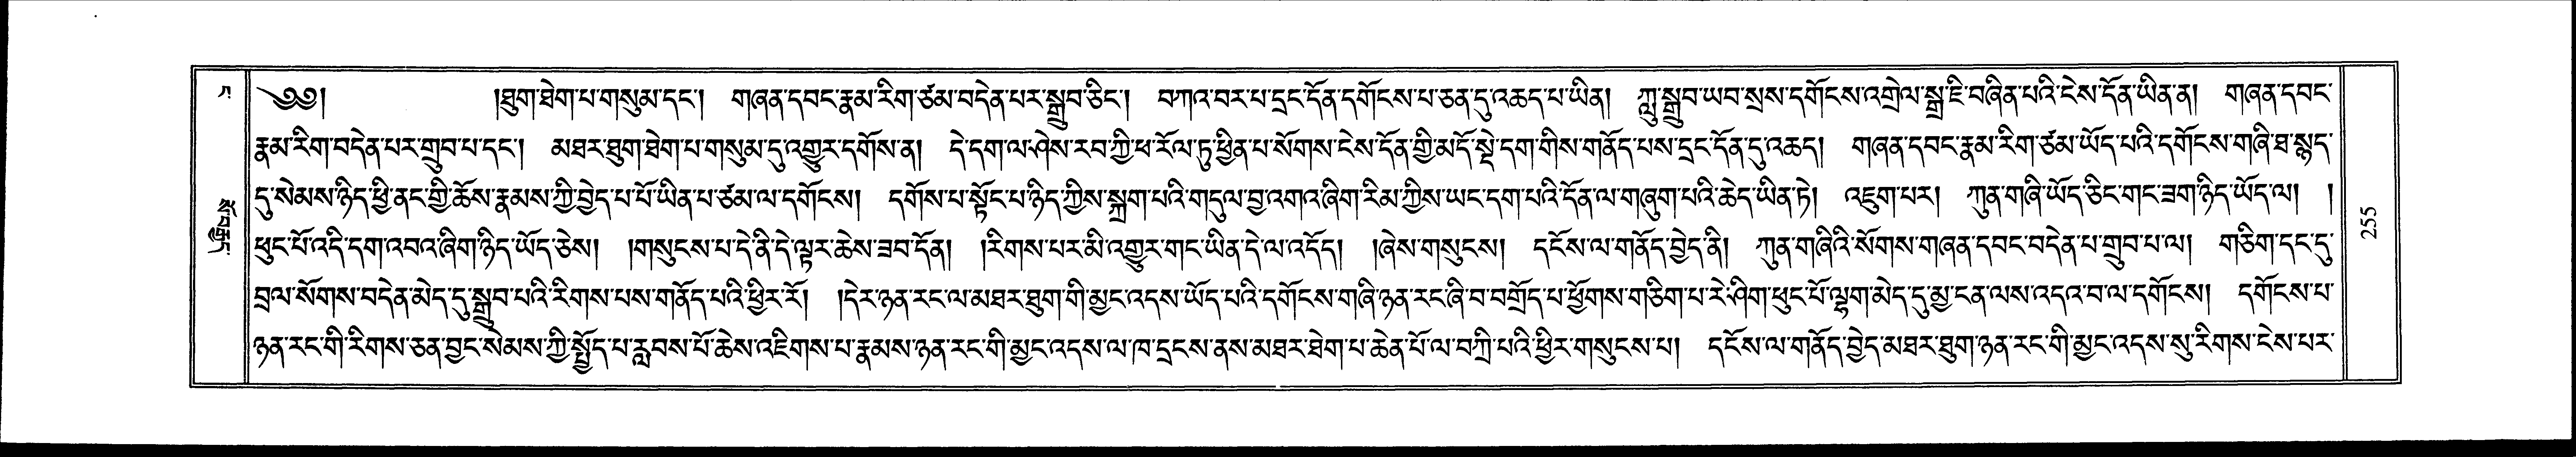༄༅། །ཐུག་ཐེག་པ་གསུམ་དང་། གཞན་དབང་རྣམ་རིག་ཙམ་བདེན་པར་སྒྲུབ་ཅིང་། བཀའ་བར་པ་དྲང་དོན་དགོངས་པ་ཅན་དུ་འཆད་པ་ཡིན། ཀླུ་སྒྲུབ་ཡབ་སྲས་དགོངས་འགྲེལ་སྒྲ་ཇི་བཞིན་པའི་ངེས་དོན་ཡིན་ན། གཞན་དབང་
རྣམ་རིག་བདེན་པར་གྲུབ་པ་དང་། མཐར་ཐུག་ཐེག་པ་གསུམ་དུ་འགྱུར་དགོས་ན། དེ་དག་ལ་ཤེས་རབ་ཀྱི་ཕ་རོལ་ཏུ་ཕྱིན་པ་སོགས་ངེས་དོན་གྱི་མདོ་སྡེ་དག་གིས་གནོད་པས་དྲང་དོན་དུ་འཆད། གཞན་དབང་རྣམ་རིག་ཙམ་ཡོད་པའི་དགོངས་གཞི་ཐ་སྙད་
དུ་སེམས་ཉིད་ཕྱི་ནང་གྱི་ཆོས་རྣམས་ཀྱི་བྱེད་པ་པོ་ཡིན་པ་ཙམ་ལ་དགོངས། དགོས་པ་སྟོང་པ་ཉིད་ཀྱིས་སྐྲག་པའི་གདུལ་བྱ་འགའ་ཞིག་རིམ་ཀྱིས་ཡང་དག་པའི་དོན་ལ་གཞུག་པའི་ཆེད་ཡིན་ཏེ། འཇུག་པར། ཀུན་གཞི་ཡོད་ཅིང་གང་ཟག་ཉིད་ཡོད་ལ། །
ཕུང་པོ་འདི་དག་འབའ་ཞིག་ཉིད་ཡོད་ཅེས། །གསུངས་པ་དེ་ནི་དེ་ལྟར་ཆེས་ཟབ་དོན། །རིགས་པར་མི་འགྱུར་གང་ཡིན་དེ་ལ་འདོད། །ཞེས་གསུངས། དངོས་ལ་གནོད་བྱེད་ནི། ཀུན་གཞིའི་སོགས་གཞན་དབང་བདེན་པ་གྲུབ་པ་ལ། གཅིག་དང་དུ་
བྲལ་སོགས་བདེན་མེད་དུ་སྒྲུབ་པའི་རིགས་པས་གནོད་པའི་ཕྱིར་རོ། །དེར་ཉན་རང་ལ་མཐར་ཐུག་གི་མྱང་འདས་ཡོད་པའི་དགོངས་གཞི་ཉན་རང་ཞི་བ་བགྲོད་པ་ཕྱོགས་གཅིག་པ་རེ་ཤིག་ཕུང་པོ་ལྷག་མེད་དུ་མྱ་ངན་ལས་འདའ་བ་ལ་དགོངས། དགོངས་པ་
ཉན་རང་གི་རིགས་ཅན་བྱང་སེམས་ཀྱི་སྤྱོད་པ་རླབས་པོ་ཆེས་འཇིགས་པ་རྣམས་ཉན་རང་གི་མྱང་འདས་ལ་ཁ་དྲངས་ནས་མཐར་ཐེག་པ་ཆེན་པོ་ལ་བཀྲི་པའི་ཕྱིར་གསུངས་པ། དངོས་ལ་གནོད་བྱེད་མཐར་ཐུག་ཉན་རང་གི་མྱང་འདས་སུ་རིགས་ངེས་པར་